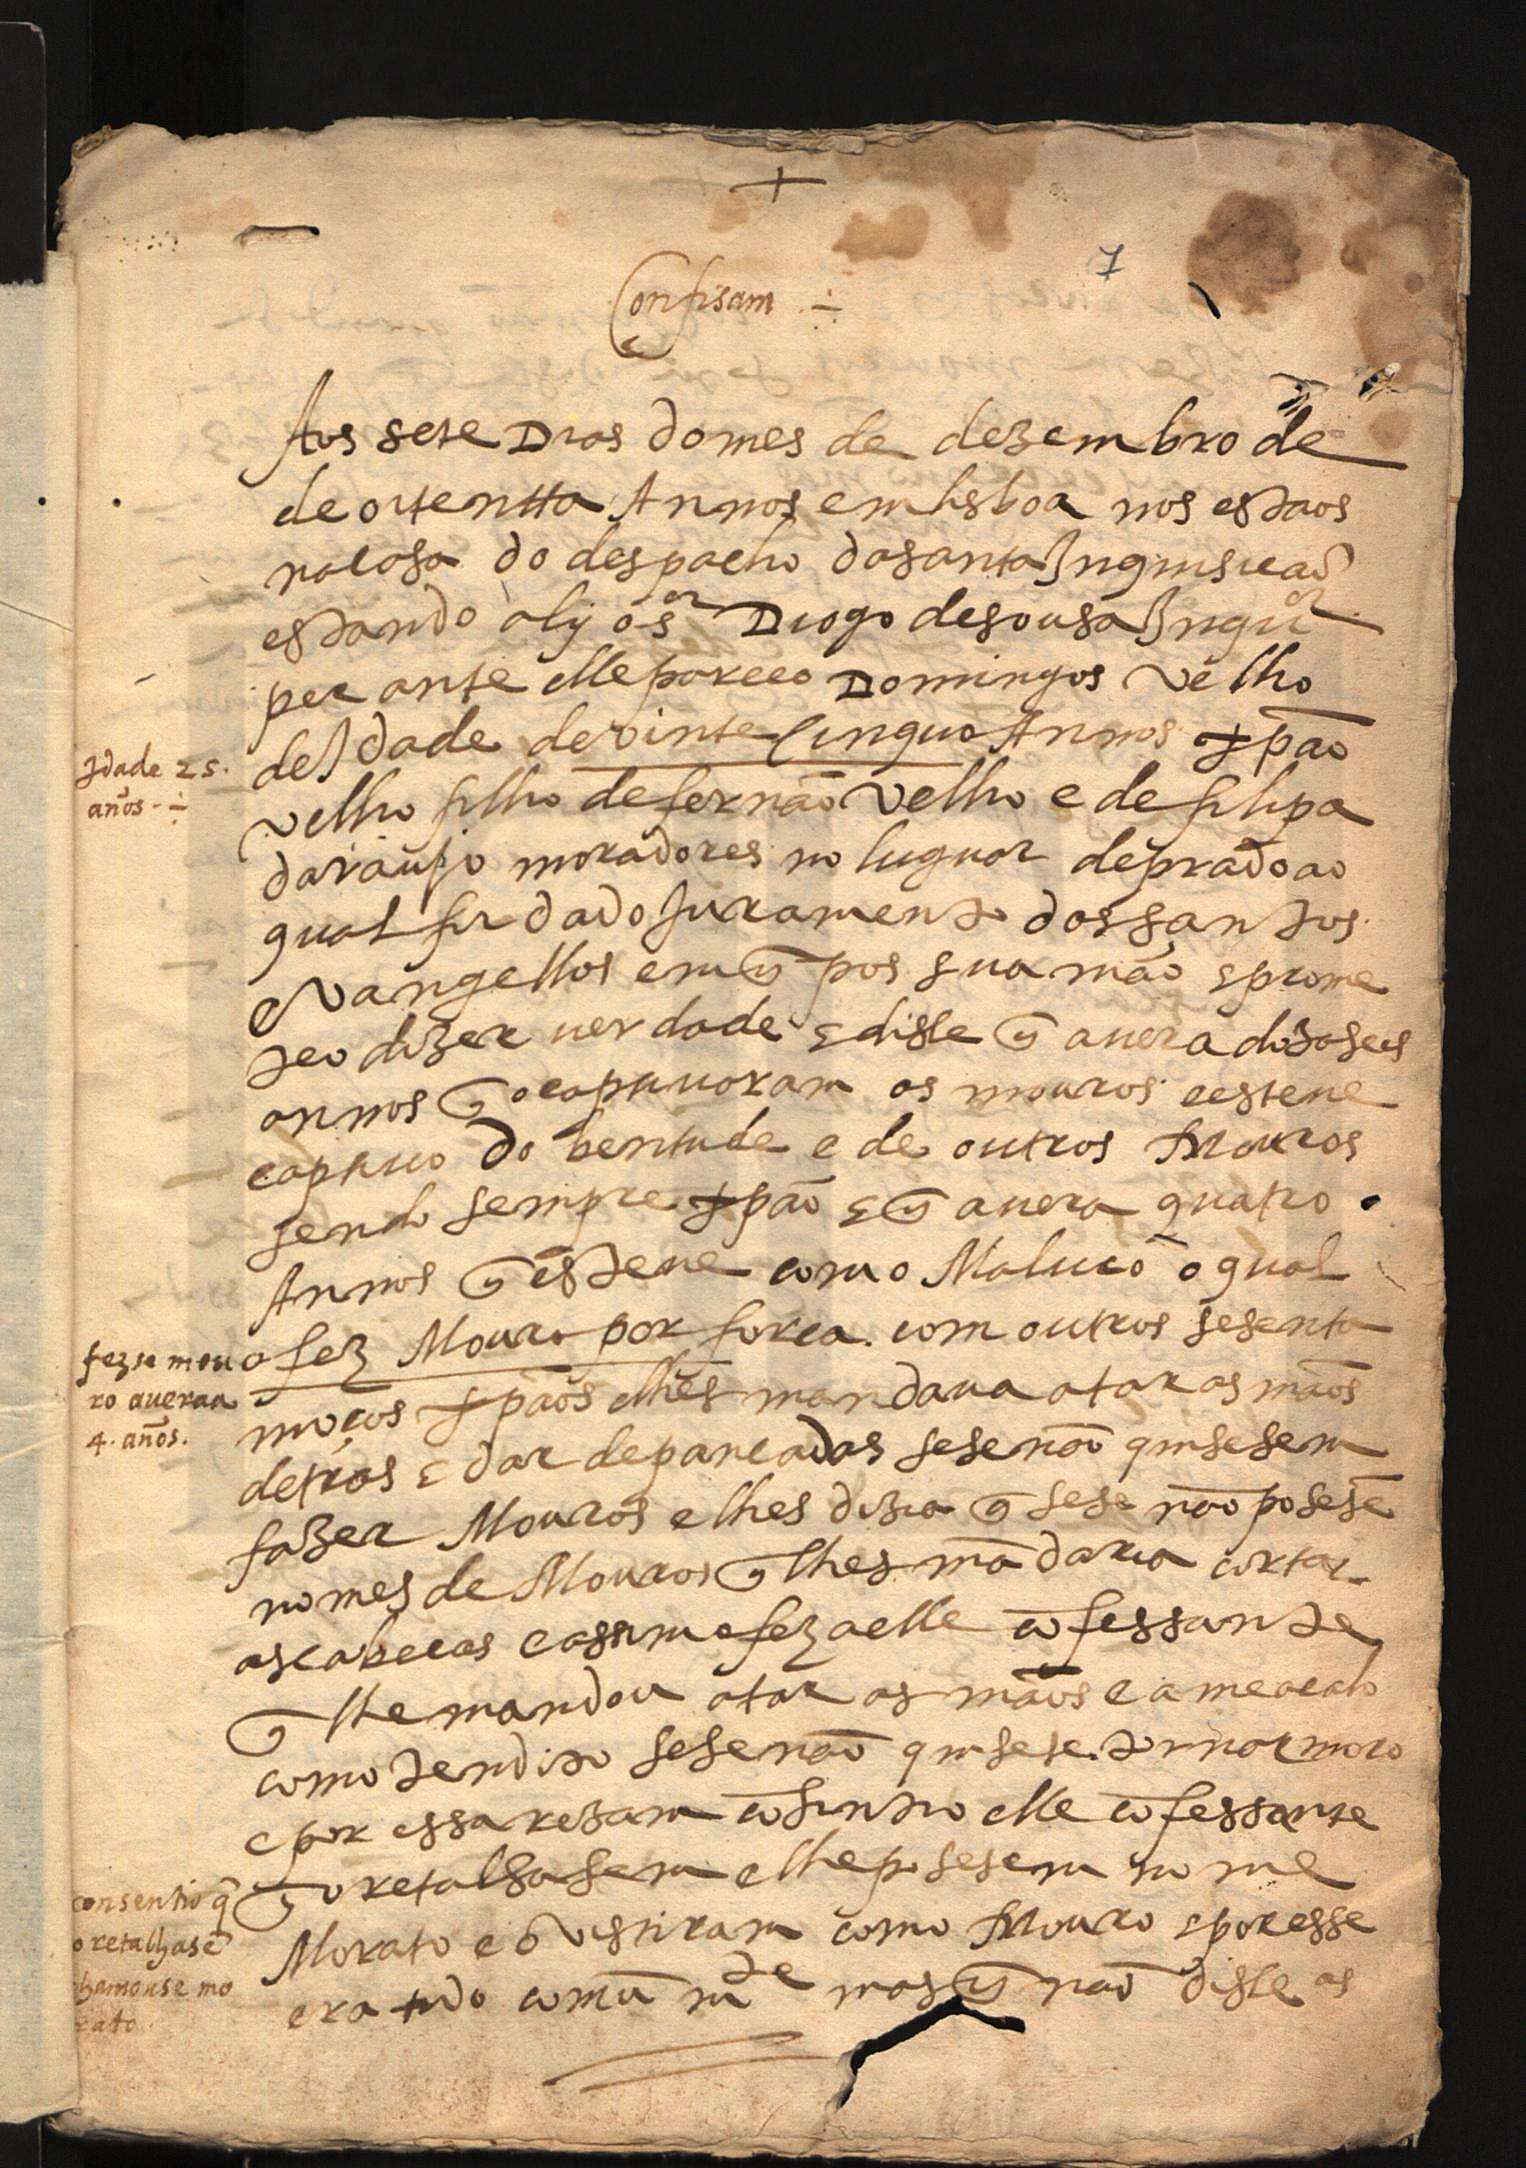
Confisam
Aos sete Dias do mes de dezembro de
de oitentta Annos em lisboa nos estaos
na casa do despacho da santa Jnquisicaõ
estando ahj o sor Diogo de sousa Jnquor
perante elle parceo Domingos velho
de Idade de vinte Cinquo Annos xpão
velho filho de fernaõ velho e de filipa
daraujo moradores no luguar de prado ao
qual foi dado Juramento dos santos
evangellos em q̄ pos sua mão E prome
teo dizer uerdade E disse q̄ auera dozaseis
annos q̄ o capturaram os mouros e esteue
captiuo do bentude e de outros Mouros
sendo sempre xpaõ E q̄ auera quatro
Annos q̄ esteue com o Maluco o qual
o fez Mouro por forca com outros sesenta
moços xpãos e lhes mandaua atar as mãos
detras E dar de pancadas se se não quisesem
fazer Mouros e lhes dizia q̄ se se não posesē
nomes de Mouros q̄ lhes mādaria cortar
as cabecas e assim o fez a elle c̄ofessante
q̄ lhe mandou atar as mãos e ameacalo
como ten dito se se não quisese tornar moro
e por essa rezam c̄osentio elle c̄ofessante
q̄ o retalhasem e lhe posesem nome
Morato e o vestiram como Mouro E por esse
era tido comūmte mas q̄ naõ disse as
Jdade 25
an̄os
fezse mou
ro aueraa
4. an̄os.
consentio q̄
o retalhasē
chamouse mo
rato.
